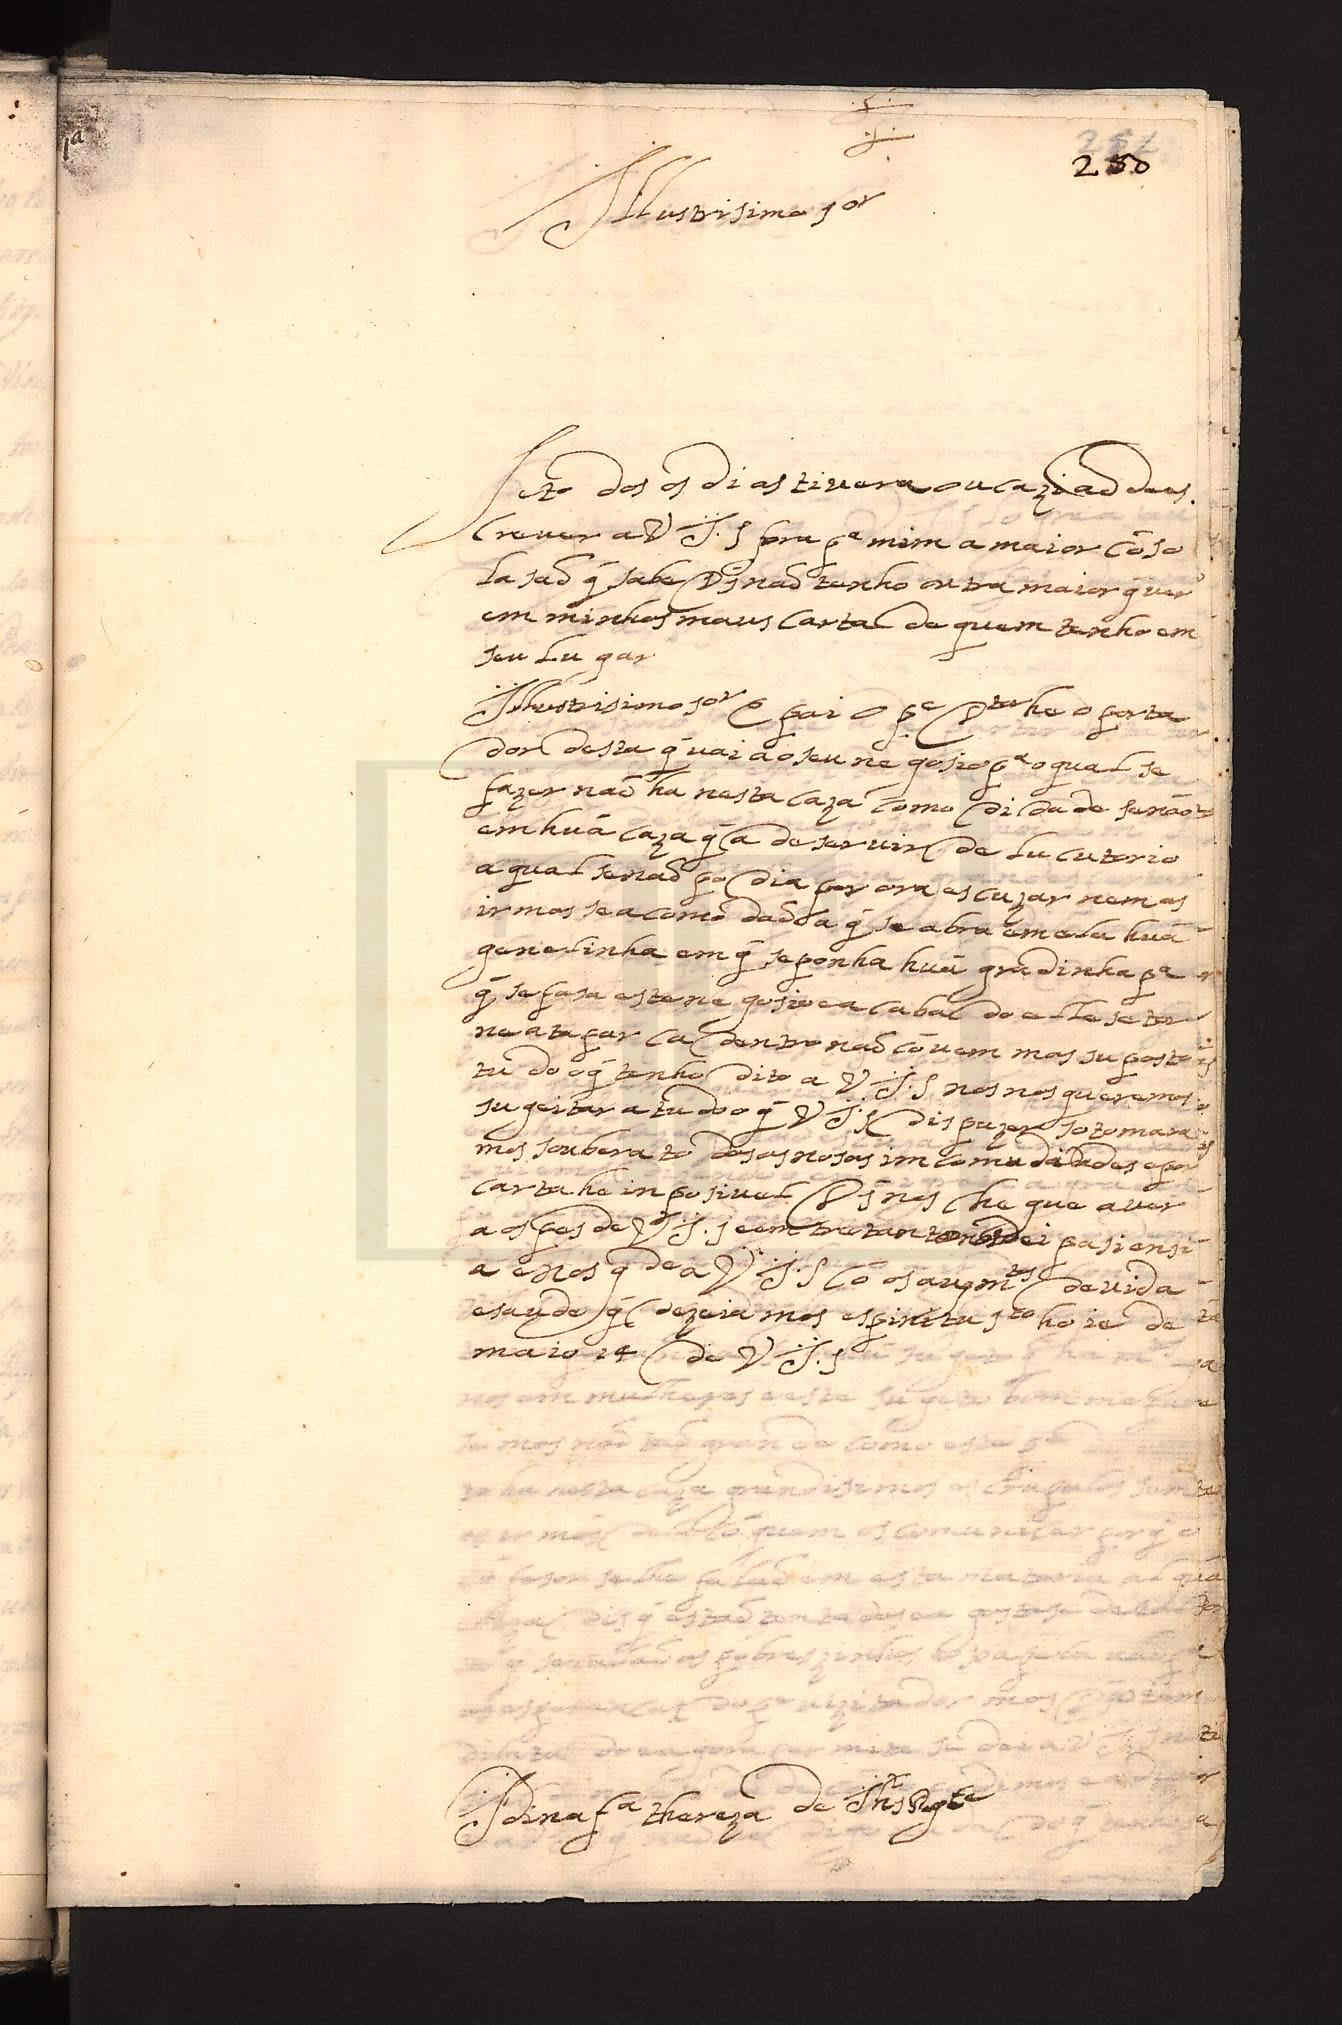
280
Illustisimo sor
Se todos os dias tiuera oucaziaõ de es
Creuer a V. J. S fora pa mim a maior cōso
Lasaõ q̄ sabe Ds̄ naõ tenho outra maior q̄ uer
em minhas maus Carta de quem tenho em
seu Lugar
Illustrisimo sor E pai O p.e Dtor he o porta
dor desta q̄ uai ao seu negosio pa o qual se
fazer naõ ha nesta caza comodidade senaõ
em huā caza q̄ a de seruir de Lucutorio
a qual se naõ podia por ora escuzar nem as
irmas se acomodaõ a q̄ se abra em ela huā
genelinha em q̄ se ponha huā gradinha pa
q̄ se fasa este negosio e acabado elle se tor
na a tapar ca dentro naõ cōuem mas suposto
tudo o q̄ tenho dito a V. J .S. nos nos queremos
sugeitar a tudo q̄ V. J. S dispuzer so tomara
mos soubera todas as nosas imcomudidades e por
carta he inposiuel Ds̄ nos Chegue auer
aos pes de V J. S e emtretanto nos dei pasiensi
a e nos gde a V J. S Cō os augmtos de uida
e saude q̄ dezeiamos espiritu sto hoie de
maio 24 de V J. S
J̄dina f.a thereza de Ih̄s Regte
